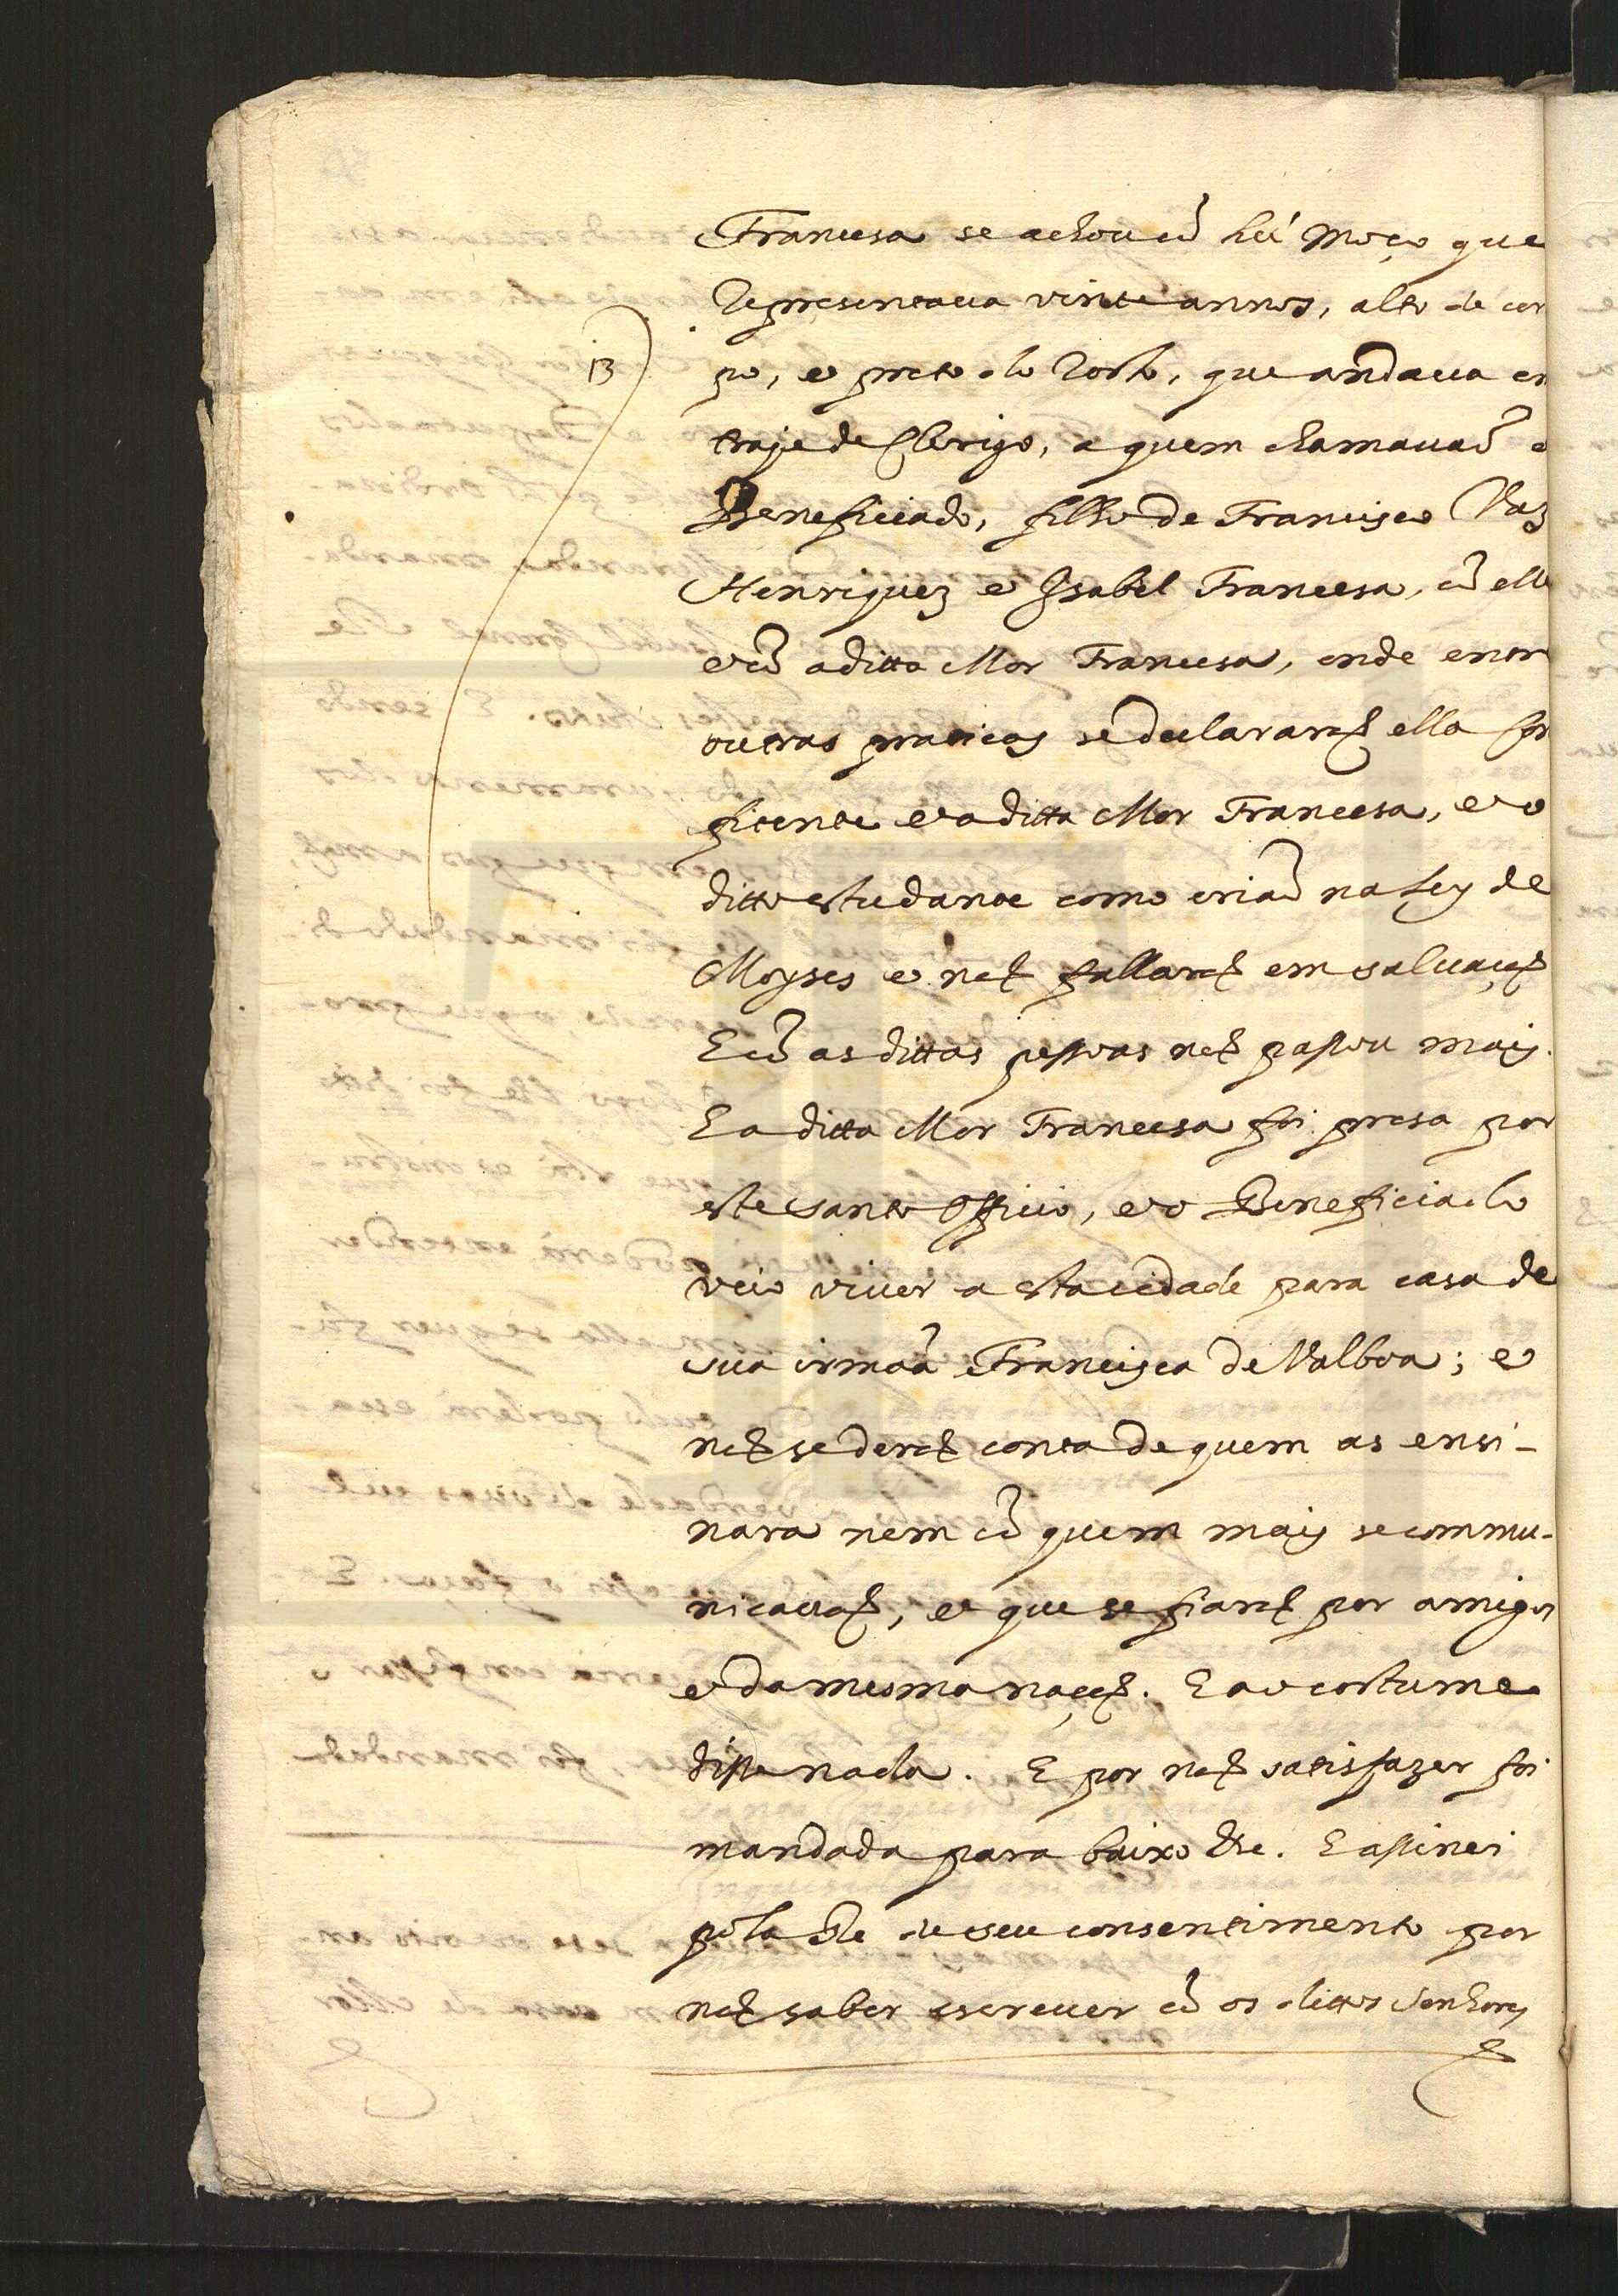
Francesa se achou cō hū moço que
Representaua vinte annos, alto de cor
po, e preto do Rosto, que andaua em
traje de Clerigo, a quem chamauaõ o
Beneficiado, filho de Francisco Vaz
Henriquez e Jsabel Francesa, cō elle
e cō a ditta Mor Francesa, onde entr
outras praticas se declararaõ ella Con
fitente e a ditta Mor Francesa, e o
ditto estudante como criaõ na Ley de
Moyses e naõ fallaraõ em saluaçaõ
E cō as dittas pessoas naõ passou mais
E a ditta Mor Francesa foi presa por
este santo officio, e o Beneficiado
veio viuer a esta cidade para casa de
sua irmaã Francisca de Valboa; e
naõ se deraõ conta de quem as ensi
nara nem cō quem mais se commu
nicauaõ, e que se fiaraõ por amigos
e da mesma naçaõ. E ao costume
disse nada. E por naõ satisfazer foi
mandada para baixo &c. E assinei
pola Re de seu consentimento por
naõ saber escreuer cō os dittos Senhores
